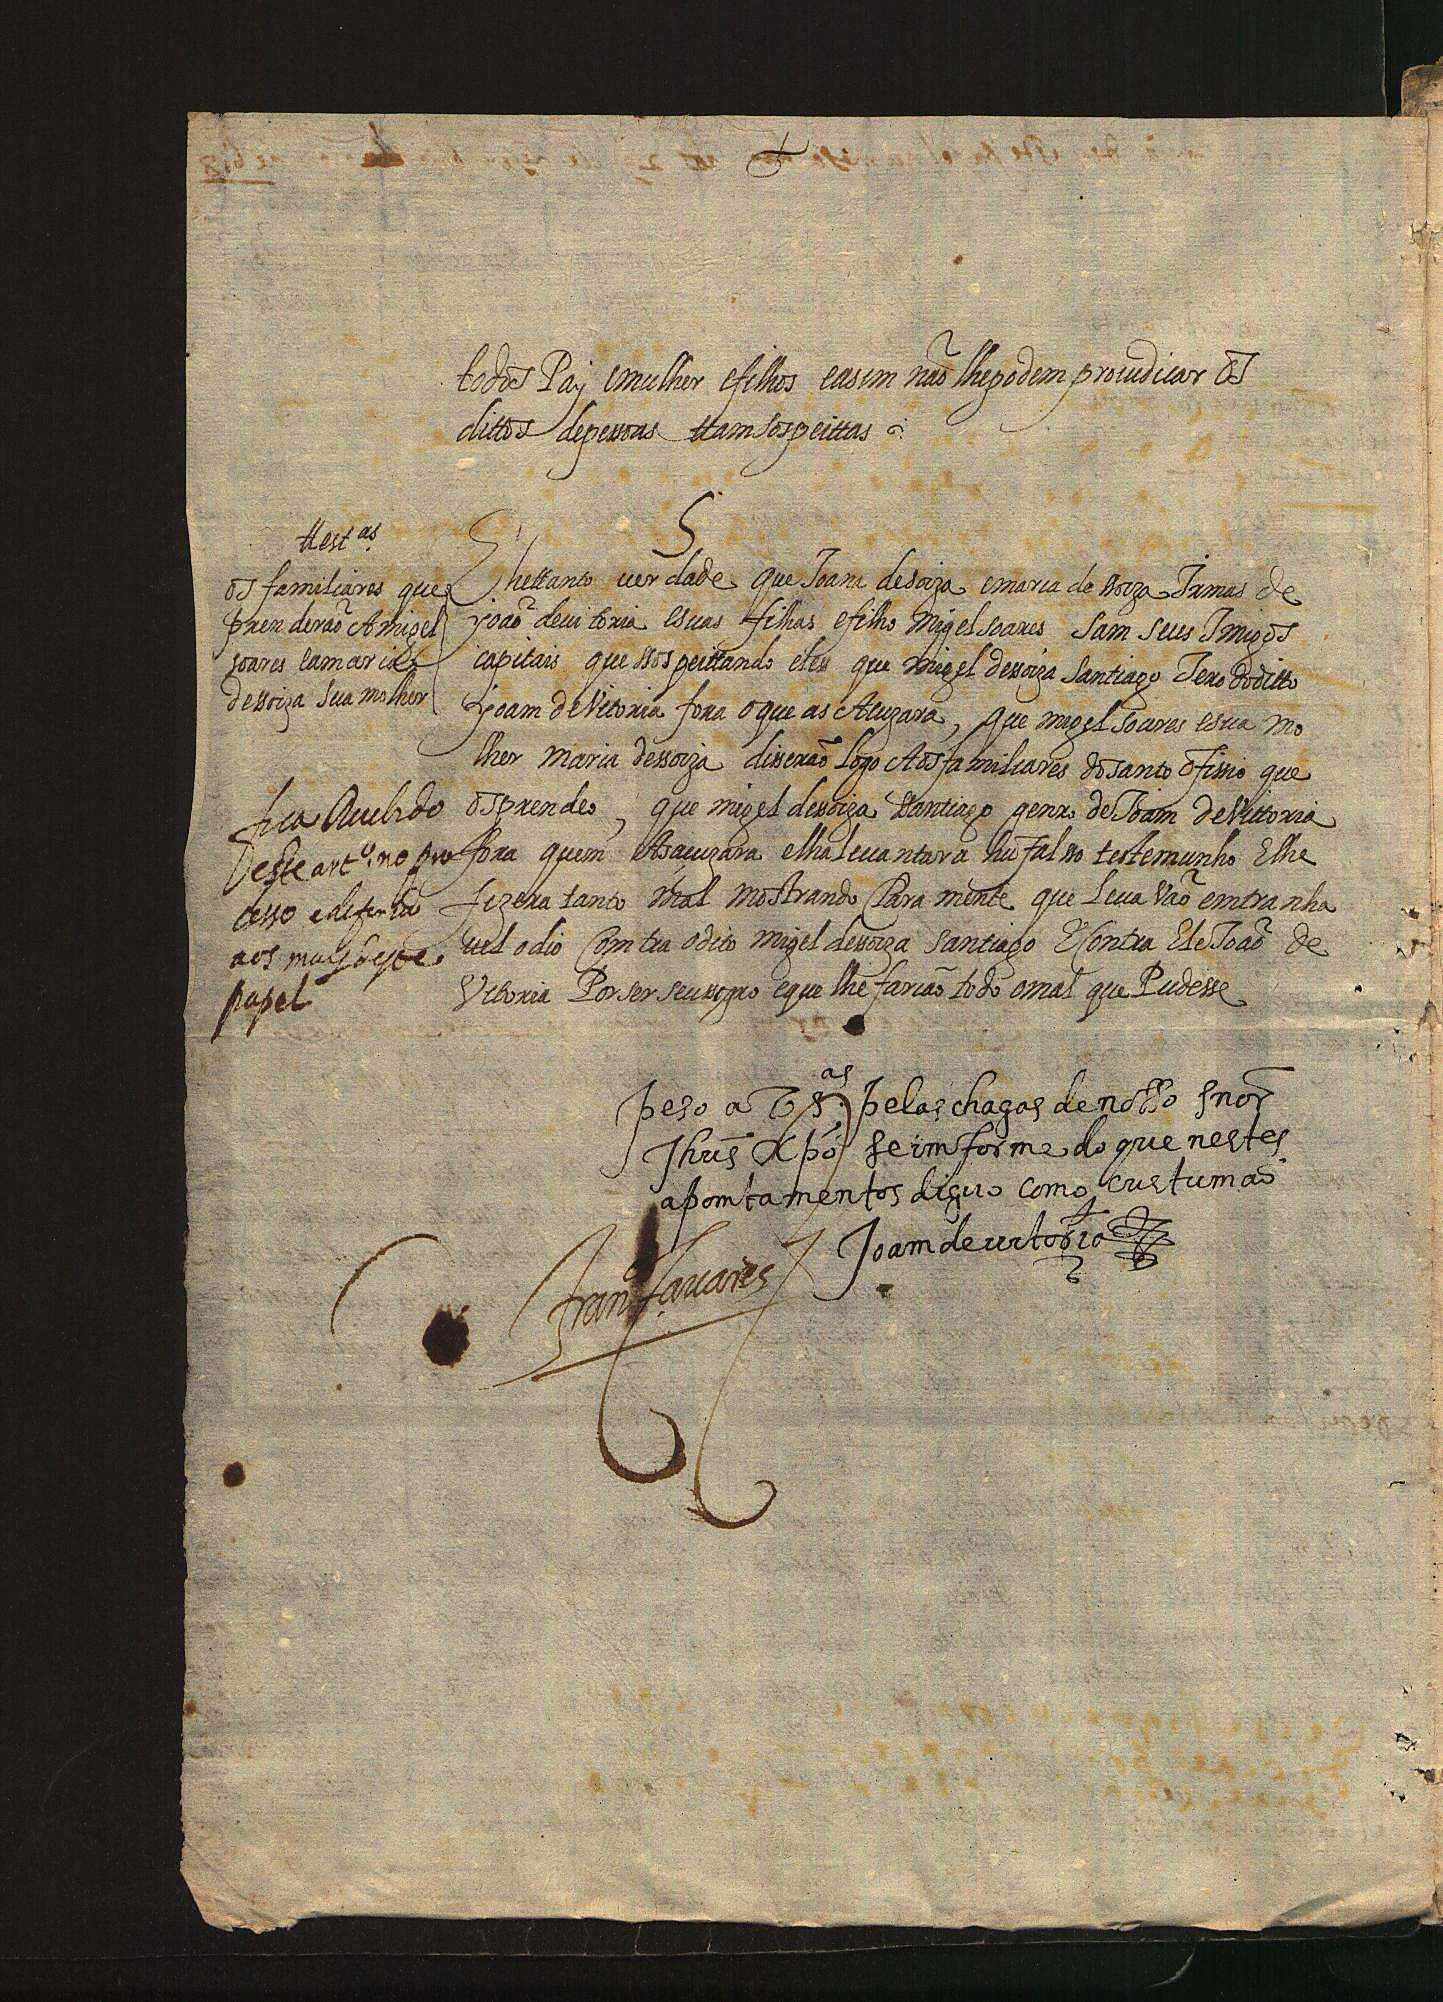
todos Pay e mulher e filhos e asim não lhe podem proiudicar os
dittos de pessoas ttam sospeittas
E he ttanto uerdade que Ioana de soiza e maria de ssoiza Irmas de
Yoaõ de uitoria e suas filhas e filho migel soares sam seus Imigos
capitais que ssospeittando eless que migel de ssoiza Santiago Iero do ditto
Yoam de Vitoria fora o que as Acuzara, que migel soares e sua mo
lher maria de ssoiza disseraõ Logo Aos familiares do santo ofissio que
os prendeo, que migel de ssoiza ssantiago genro de Ioam de Vittoria
fora quem As açuzara e lhaleuantara hū falsso testemunho E lhe
fezera tanto mal mostrando Claramente que LeuaVaõ emtanha
uel odio Comtra o dito migel de ssoiza santiago E Contra Ele Ioão de
Vitoria Por ser seu ssogro e que lhe fariaõ todo o mal que Pudesse
Peso a V Sas. pelas chagas de nosso snor̄
Jhus̄ Xpō se imforme do que nestes
apomtamentos diguo como custumaõ
Joam de uitoria
ttestas.
os familiares que
prenderaõ A migel
soares e a maria
de ssoiza sua molher
fica Recebido
este arto. no pro
cesso e deferido
aos mais deste
papel
